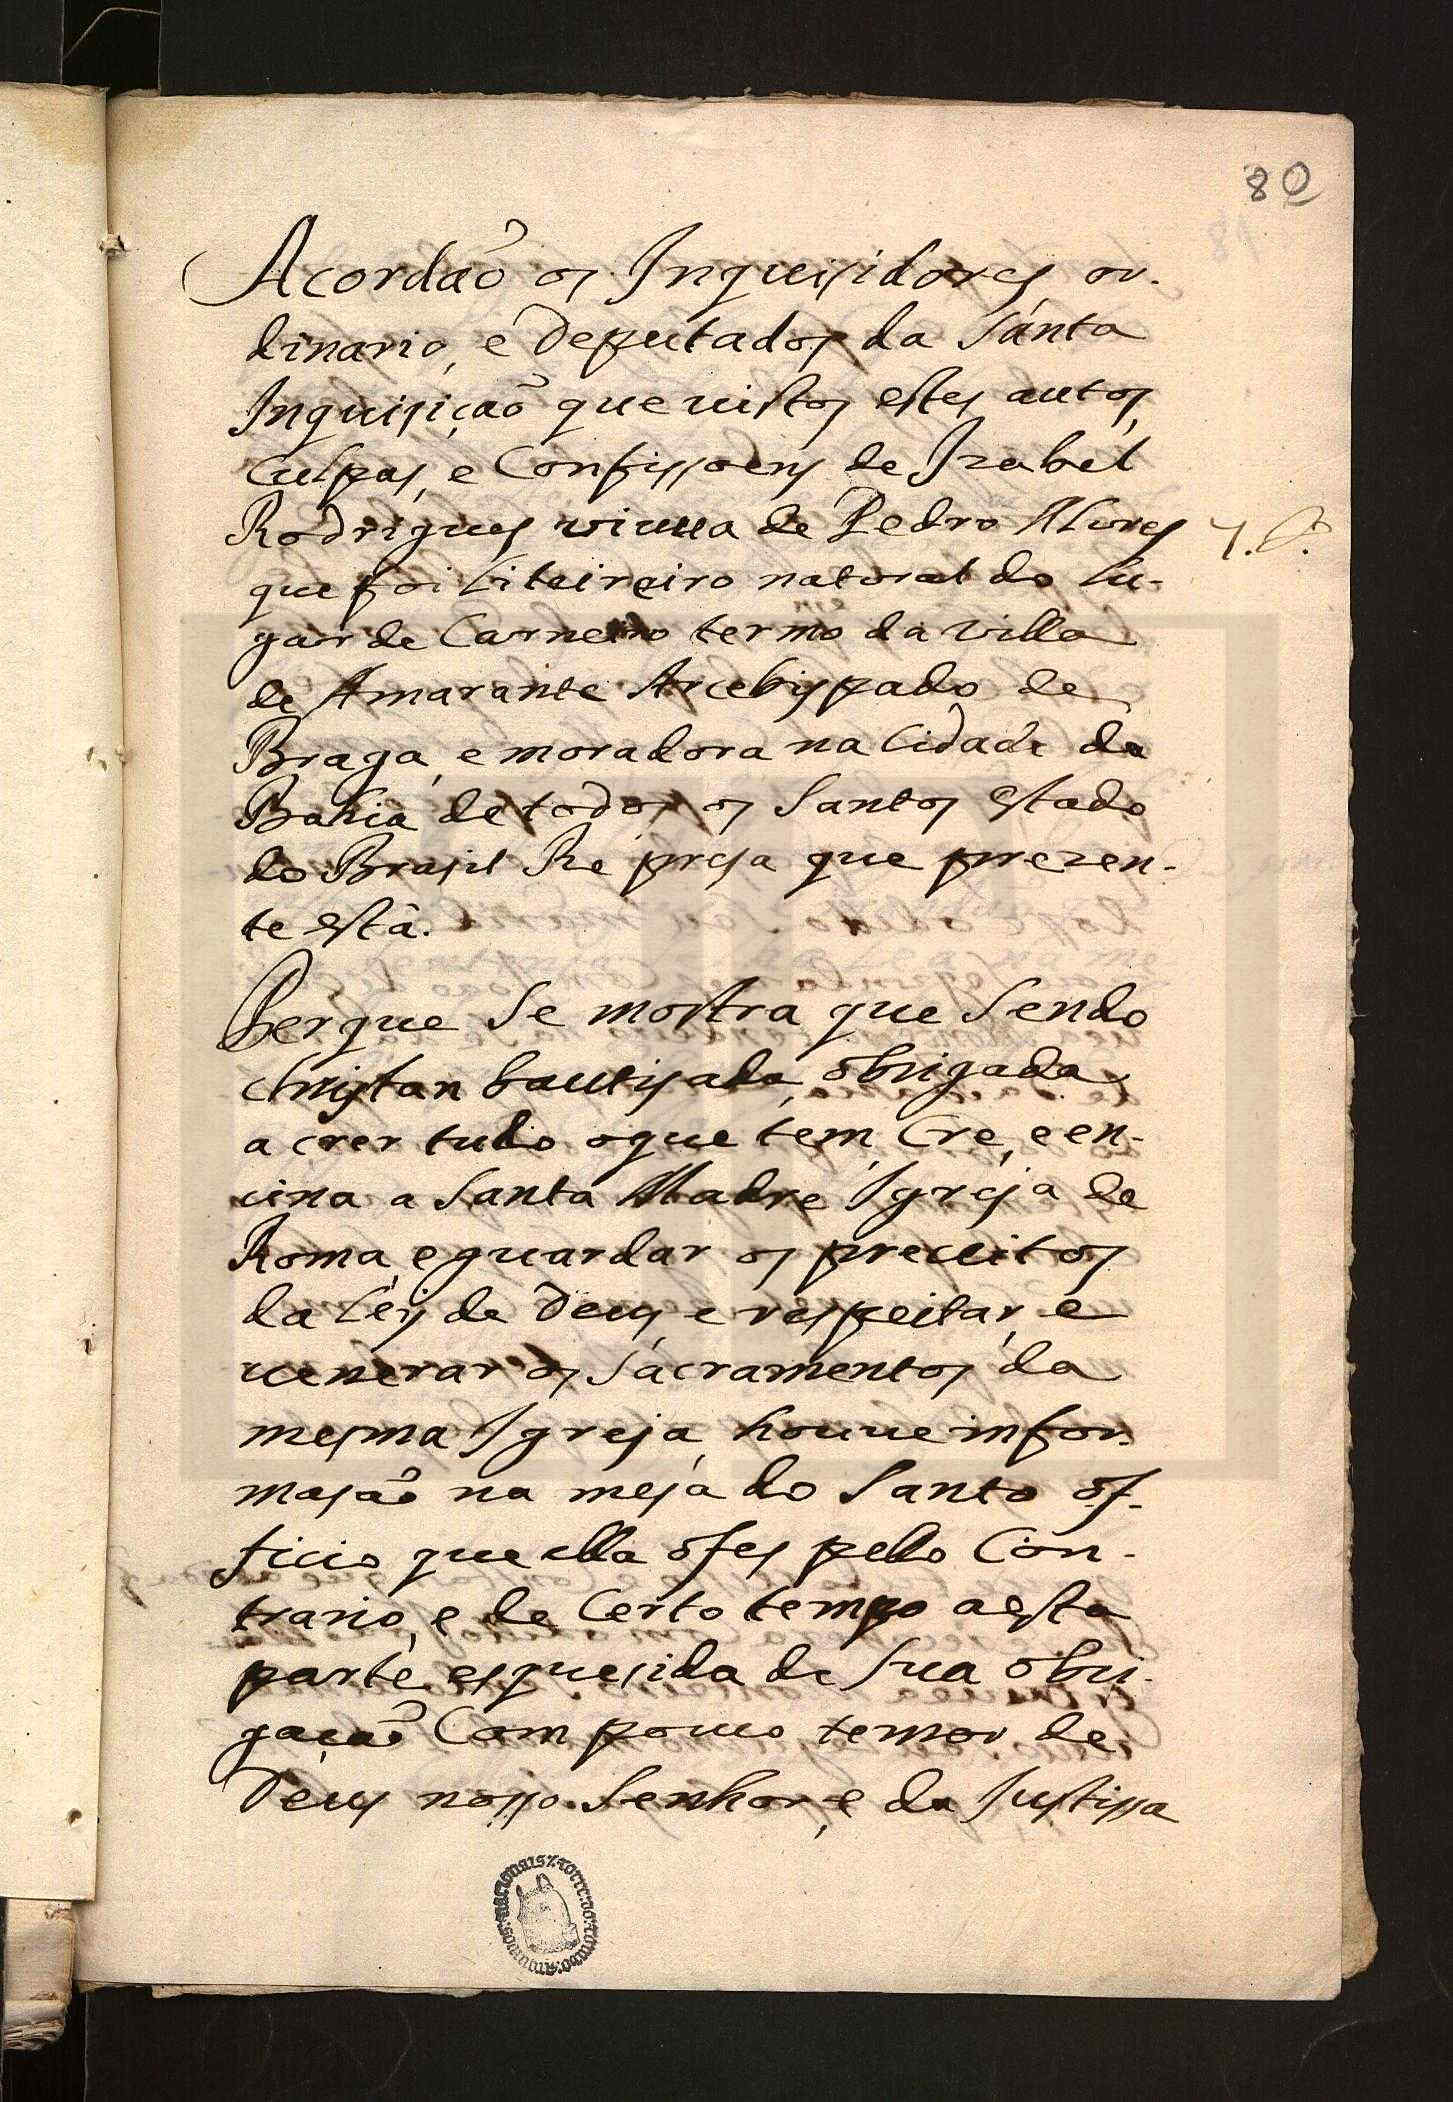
Acordaõ os Jnquisidores, or
dinario, e deputados da santa
Inquisiçaõ que uistos estes autos,
Culpas, e confissoens de Jzabel
Rodrigues viuua de Pedro Alvres
que foi liteireiro natural do lu
gar de Carneiro termo da villa
de Amarante Arcebispado de
Braga, e moradora na Cidade de
Bahia de todos os Santos estado
do Brasil Re presa que prezen
te está.
Perque se mostra que sendo
christan bautisada, obrigada
a crer tudo o que tem, cre, e en
cina a Santa Madre Igreja de
Roma, e guardar os preceitos
da Ley de deus, e respeitar, e
uenerar os sacramentos da
mesma Jgreja, houue infor
masaõ na mesa do Santo of
ficio que ella o fes pello Con
trario, e de certo tempo a esta
parte esquesida de sua obri
gaçaõ Com pouco temor de
Deus nosso senhor, e da Justissa
7. tr.
